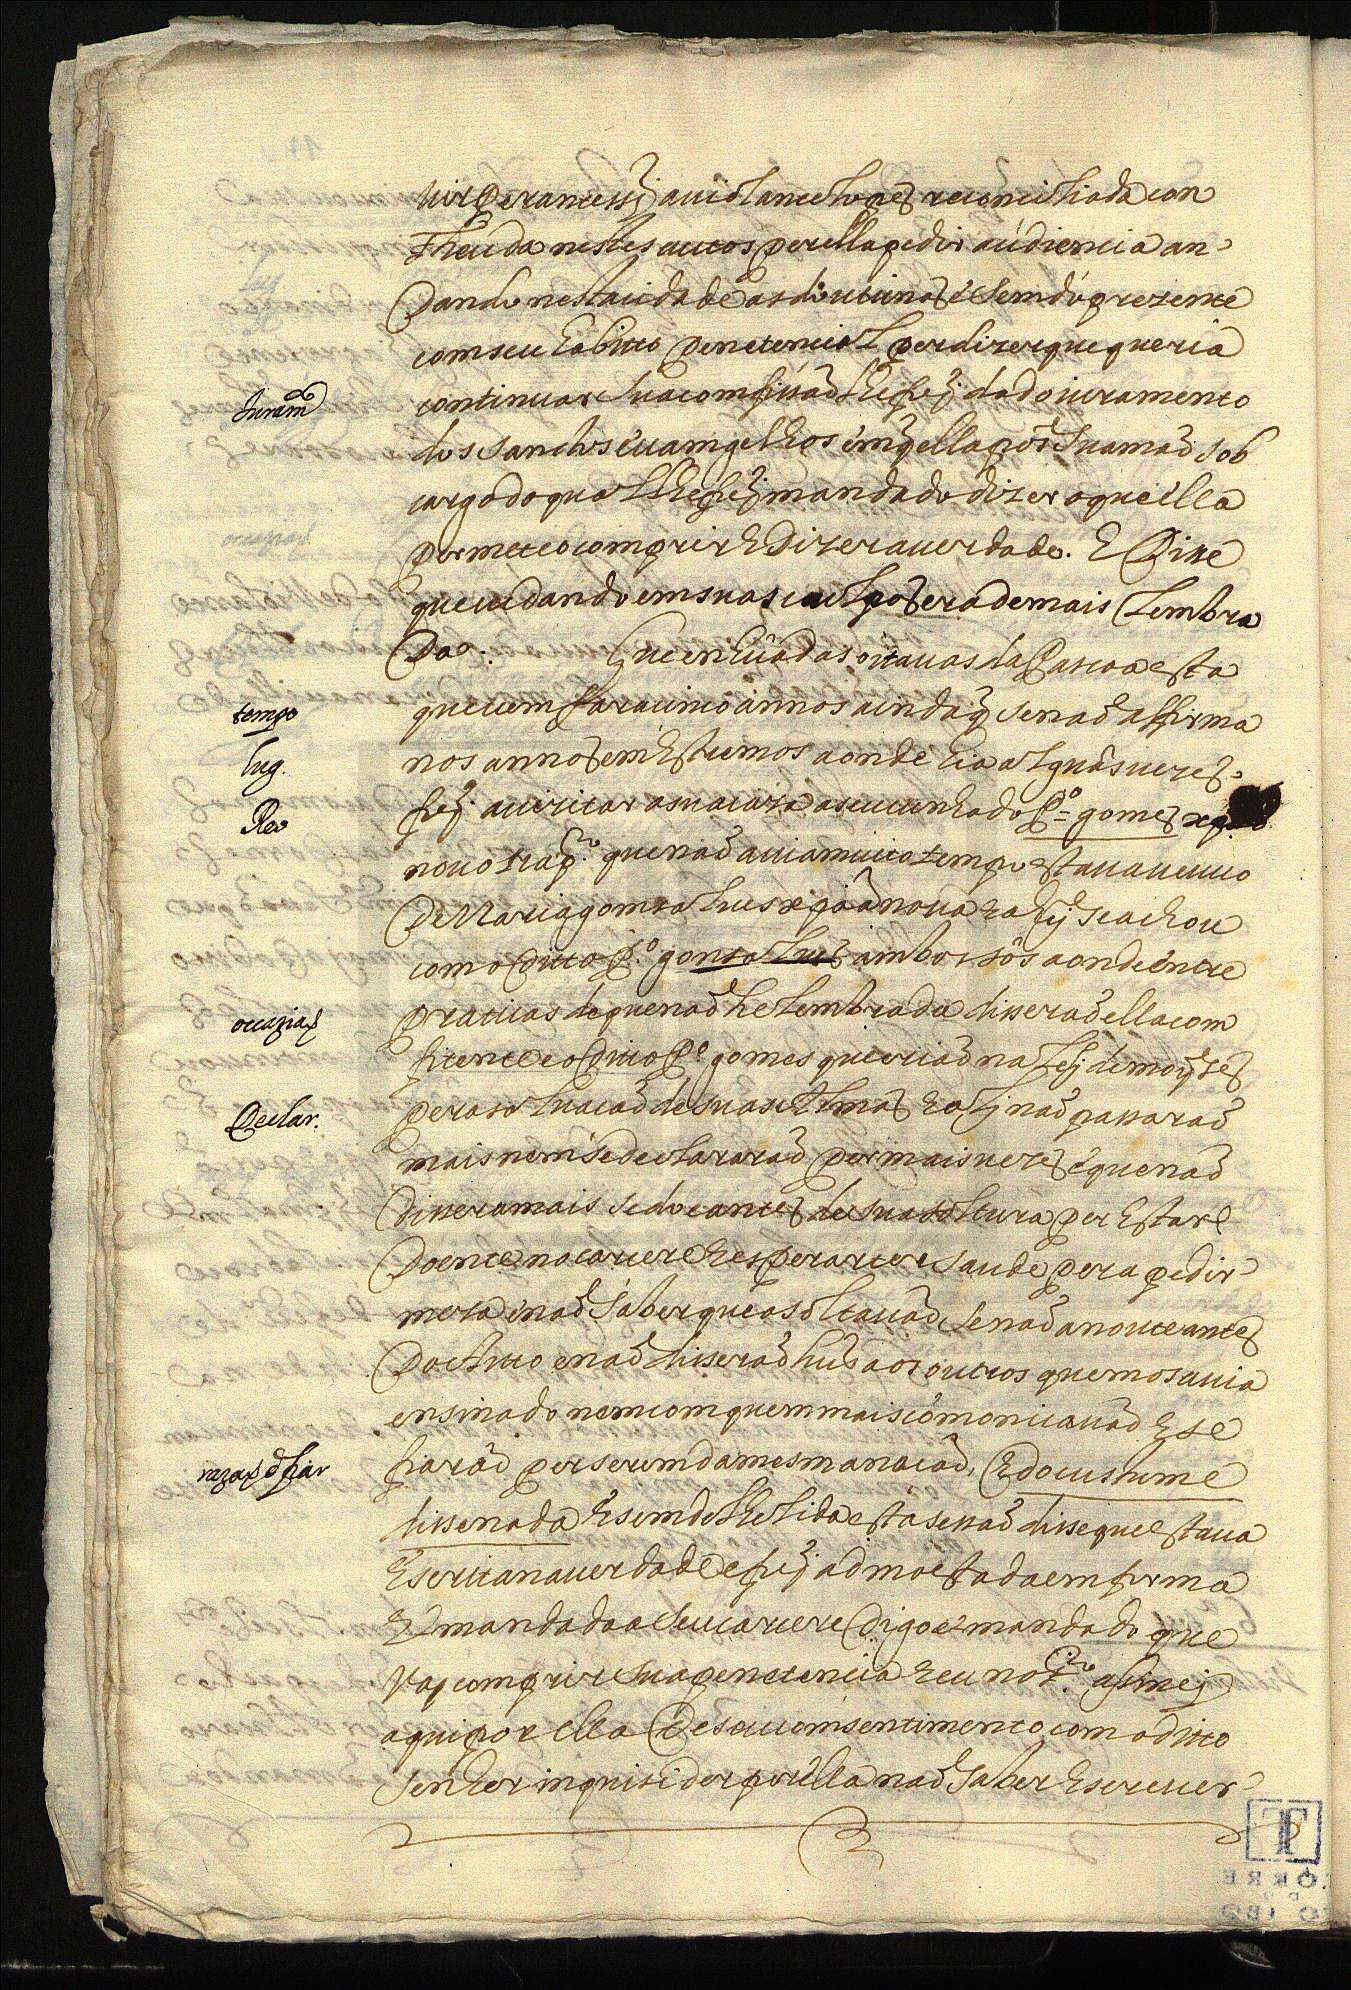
uir perante ssj a uiolante lopes reconçiliada con
theuda nestes autos por ella pedir audiençia an
dando nesta cidade as doutrinas e semdo prezente
com seu habitto penetençial per dizer que queria
continuar sua comfissaõ lhe foj dado iuramento
dos sanctos euamgelhos em q̄ ella pos sua maõ sob
cargo do qual lhe foj mandado dizer o que ella
pormeteo comprir E Dizer a uerdade. E Disse
que cuidando em suas culpas era de mais Lembra
Da. Que em hūa das oitauas da Pascoa esta
que uem fara çinco annos ainda q̄ se naõ affirma
nos annos em Estremos aonde hia alguās uezes
foj a uizitar a sua caza a seu cunhado Po gomes xp_
nouo trap.ro que naõ auia muito tempo estaua ueuuo
de Maria gomsalues xpaā noua E ahj se achou
com o ditto P.o gonsalues ambos sos aonde entre
praticas de que naõ he lembrada disseraõ ella com
fitente e o ditto P.o gomes que criaõ na Lej de moyses
pera saluaçaõ de suas Almas E alj naõ passaraõ
mais nem se declararaõ per mais uezes e que naõ
dissera mais sedo e antes de sua soltura per Estar
Doente no carçere E esperar ter saude pera pedir
meza e naõ saber que a soltauaõ senão a nuote antes
Do Auto e naõ disseraõ hus̄ aos outros quem os auia
ensinado nem com quem mais comonicauaõ E se
fiaraõ per serem da mesma naçaõ, E do custume
disse nada E semdolhe lida esta sessaõ disse que estaua
Escrita na uerdade e fuj admoestada em forma
E mandada a seu carcere digo & mandado que
vaj comprir sua penetençia E eu not.ro assinej
aqui por ella de seu comsentimento com o ditto
senhor inquisidor por ella naõ saber Escreuer
Iuramto
tempo
lug.
Reo
occaziaõ
Declar.
razaõ d̄ fiar
